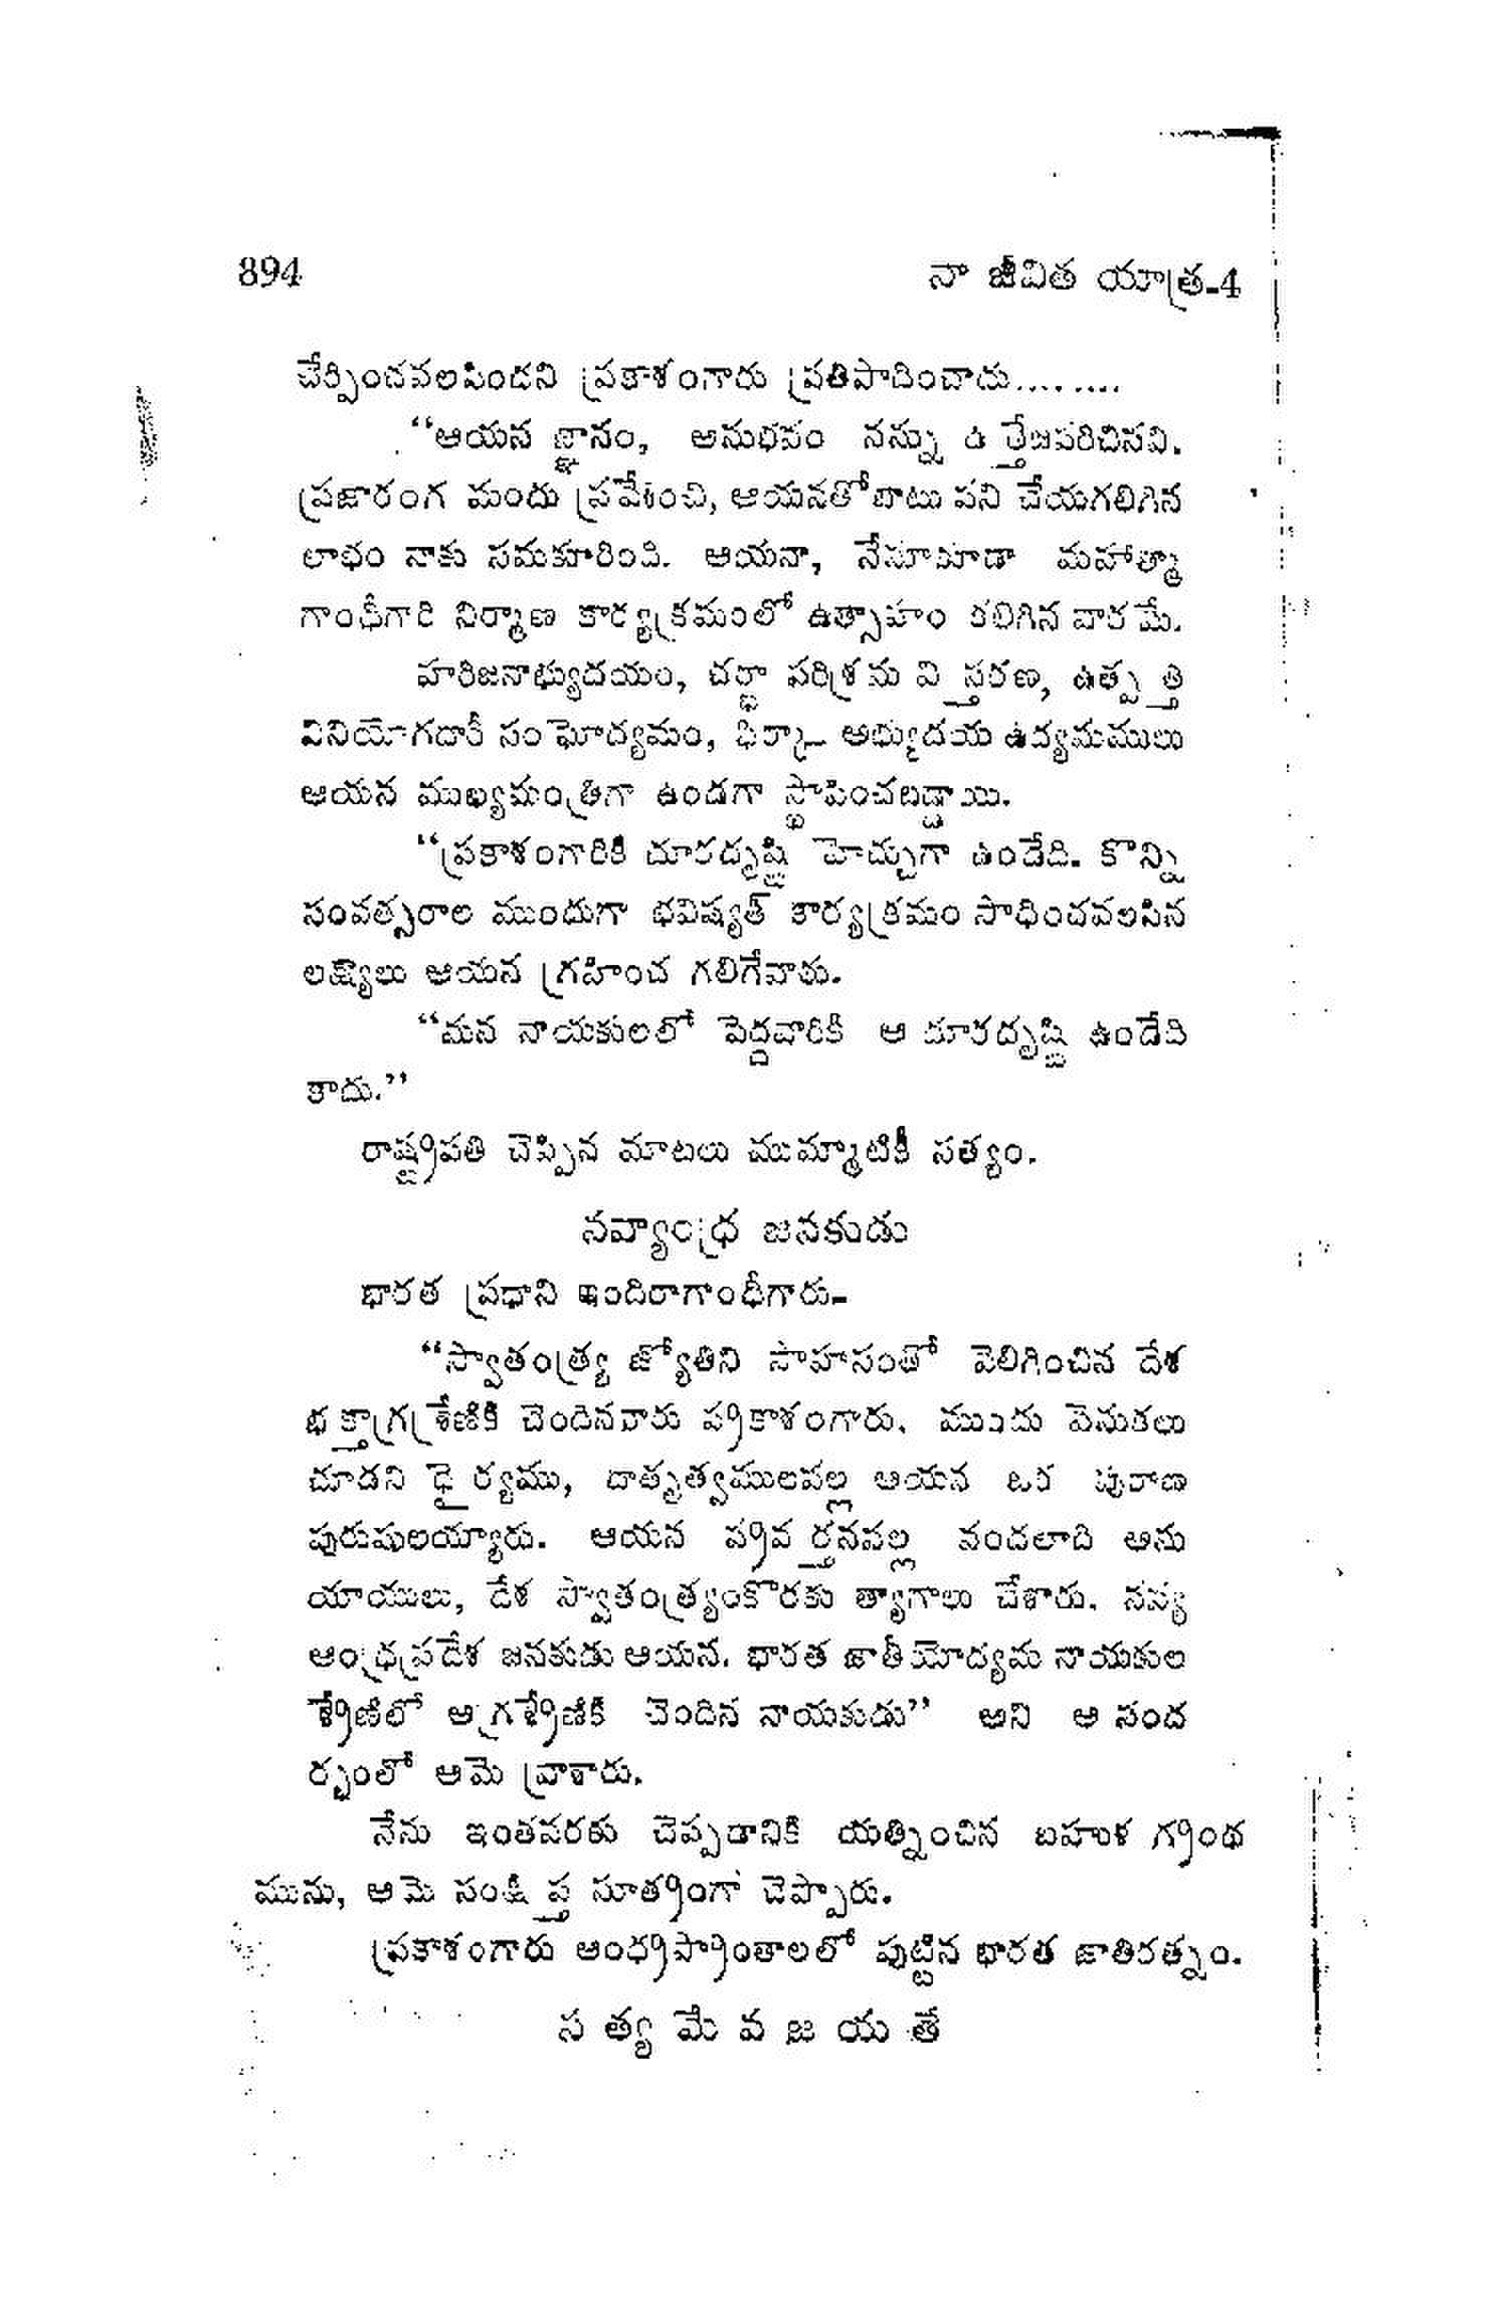చేర్పించవలసిందని ప్రకాశంగారు ప్రతిపాదించారు.....

"ఆయన జ్ఞానం, అనుభవం నన్ను ఉత్తేజపరిచినవి. ప్రజారంగ మందు ప్రవేశించి, ఆయనతోబాటు పని చేయగలిగిన లాభం నాకు సమకూరింది. ఆయనా, నేనుకూడా మహాత్మా గాంధీగారి నిర్మాణ కార్యక్రమంలో ఉత్సాహం కలిగిన వారమే.

హరిజనాభ్యుదయం చర్ఖా పరిశ్రమను విస్తరణ, ఉత్పత్తి వినియోగదారీ సంఘోద్యమం, ఫిర్కా అభ్యుదయ ఉద్యమములు ఆయన ముఖ్యమంత్రిగా ఉండగా స్థాపించబడ్డాయి.

"ప్రకాశంగారికి దూరదృష్టి హెచ్చుగా ఉండేది. కొన్ని సంవత్సరాల ముందుగా భవిష్యత్ కార్యక్రమం సాధించవలసిన లక్ష్యాలు ఆయన గ్రహించ గలిగేవారు.

"మన నాయకులలో పెద్దవారికి ఆ దూరదృష్టి ఉండేది కాదు."

రాష్ట్రపతి చెప్పిన మాటలు ముమ్మాటికీ సత్యం.

భారత ప్రధాని ఇందిరాగాంధీగారు -

"స్వాతంత్ర్య జ్యోతిని సాహసంతో వెలిగించిన దేశ భక్తాగ్రశ్రేణికి చెందినవారు ప్రకాశంగారు. ముందు వెనుకలు చూడని ధైర్యము, దాతృత్వములవల్ల ఆయన ఒక పురాణ పురుషులయ్యారు. ఆయన ప్రవర్తనవల్ల వందలాది అనుయాయులు, దేశ స్వాతంత్ర్యంకొరకు త్యాగాలు చేశారు. నవ్య ఆంధ్రప్రదేశ జనకుడు ఆయన. భారత జాతీయోద్యమ నాయకుల శ్రేణిలో అగ్రశ్రేణికి చెందిన నాయకుడు" అని ఆ సందర్భంలో ఆమె వ్రాశారు.

నేను ఇంతవరకు చెప్పడానికి యత్నించిన బహుళ గ్రంథమును, ఆమె సంక్షిప్త సూత్రంగా చెప్పారు.

ప్రకాశంగారు ఆంధ్రప్రాంతాలలో పుట్టిన భారత జాతిరత్నం.